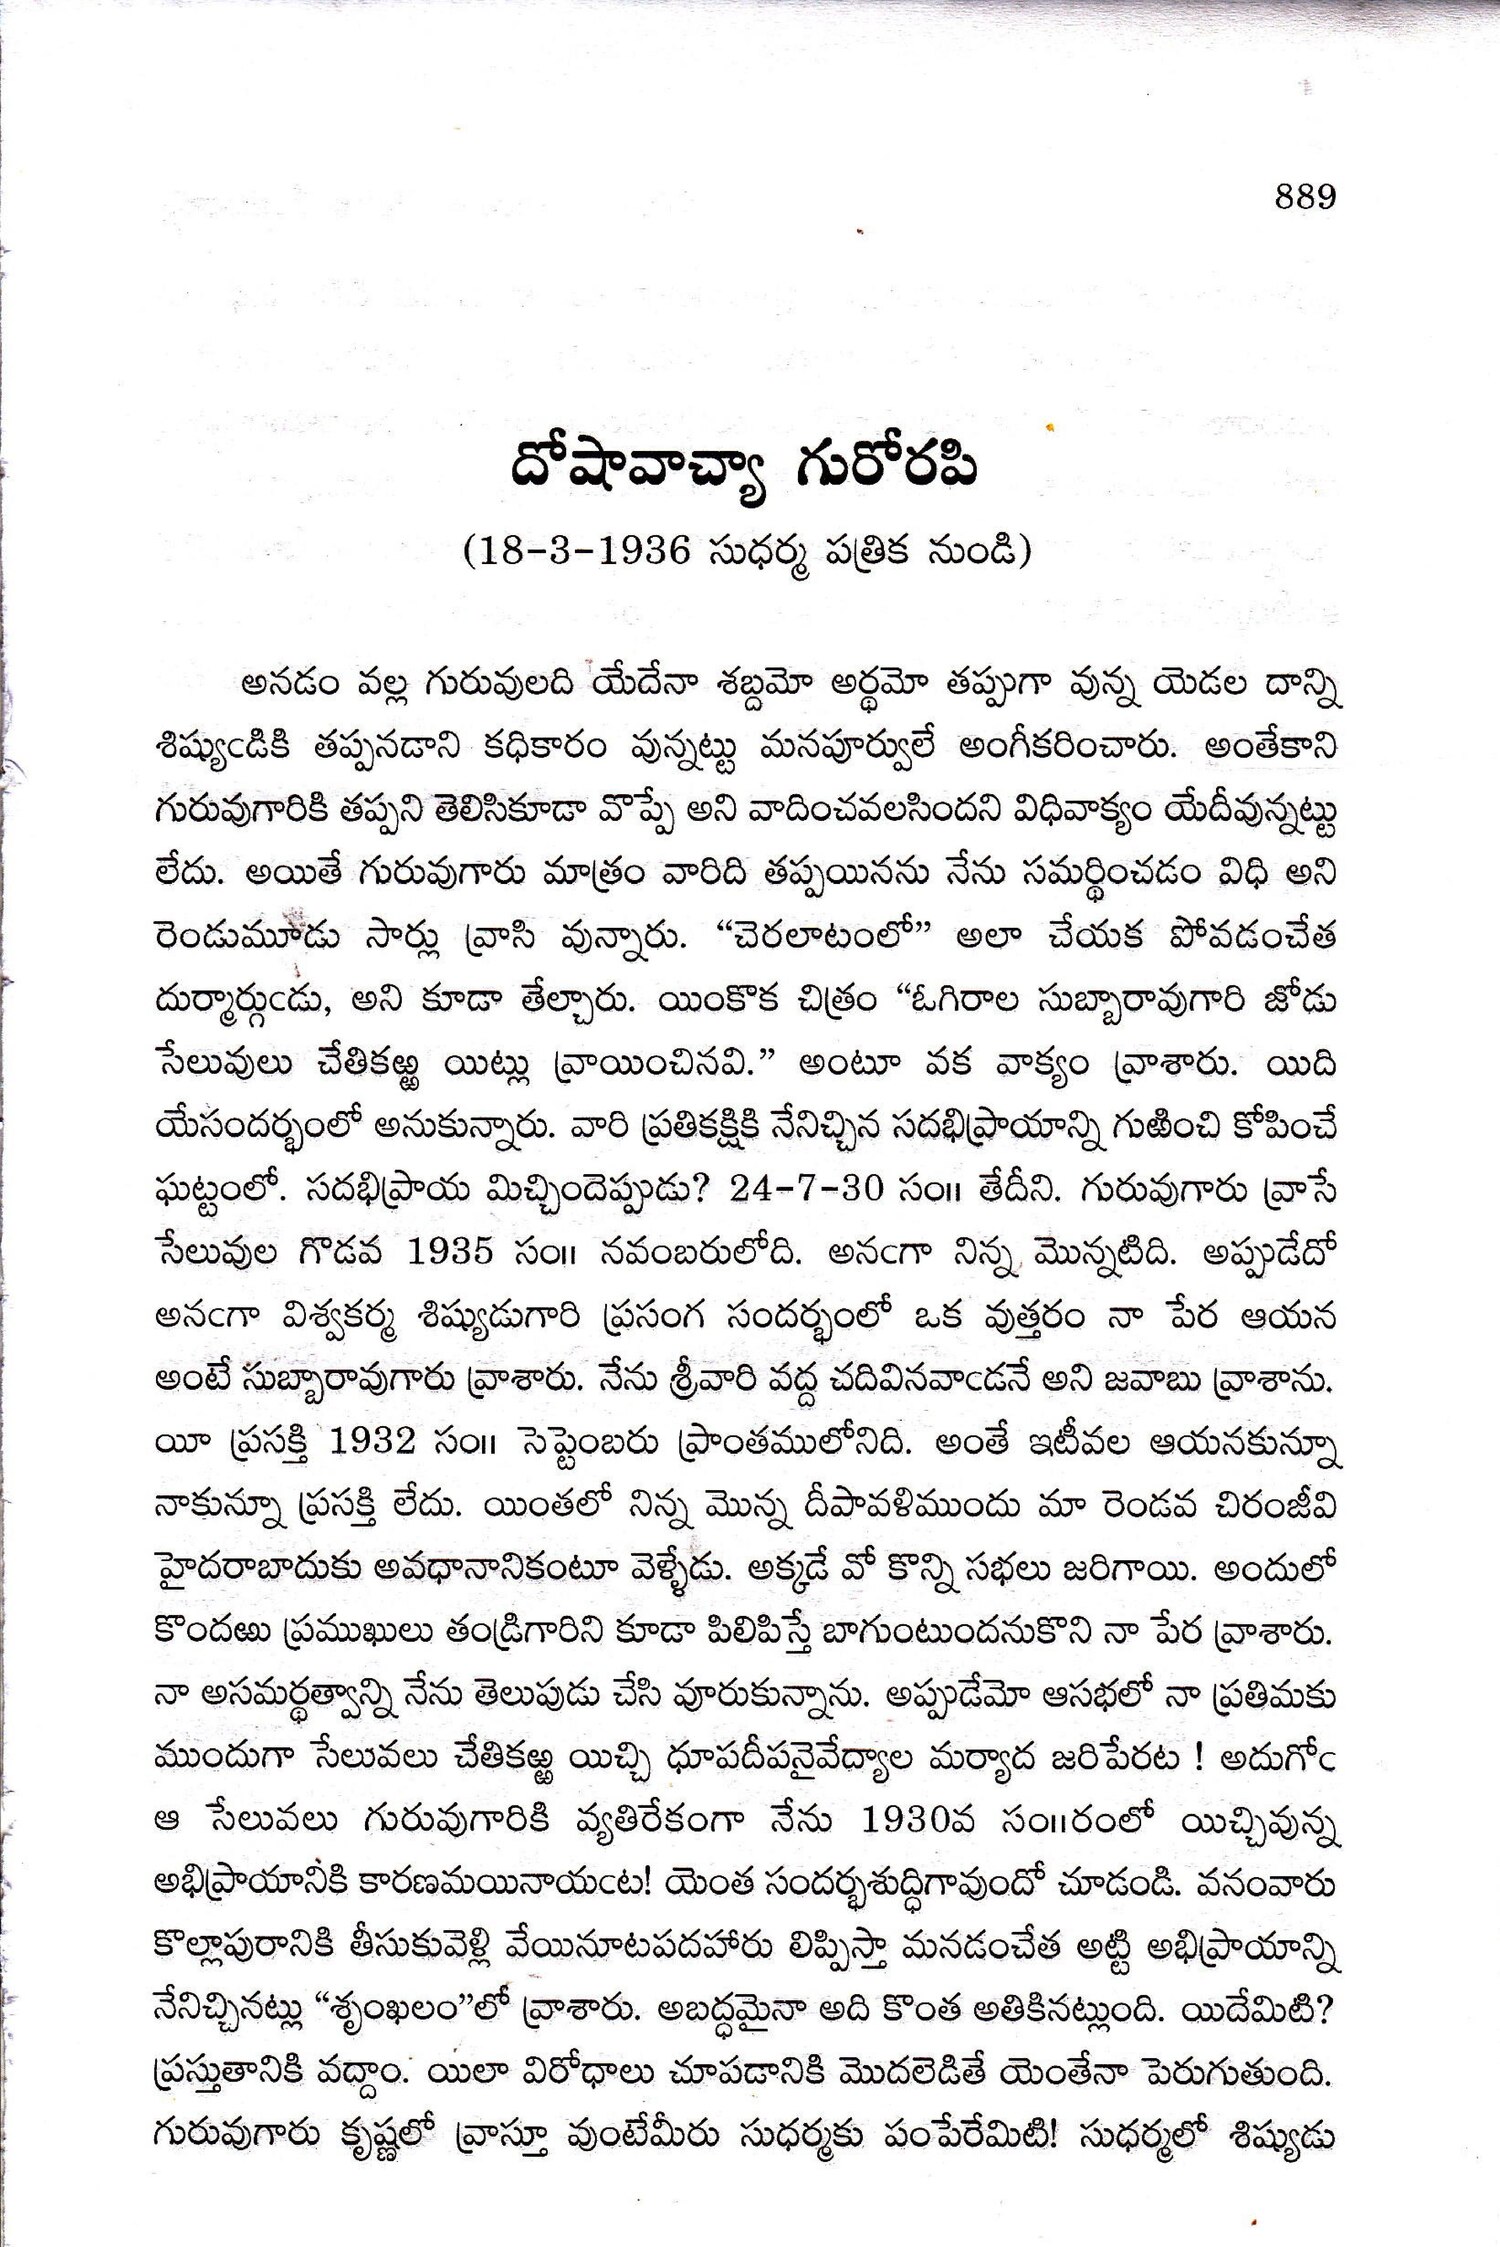దోషావాచ్యా గురోరపి
(18-3–1936 సుధర్మ పత్రిక నుండి)

అనడం వల్ల గురువులది యేదేనా శబ్దమో అర్థమో తప్పుగా వున్న యెడల దాన్ని శిష్యుఁడికి తప్పనడాని కధికారం వున్నట్టు మనపూర్వులే అంగీకరించారు. అంతేకాని గురువుగారికి తప్పని తెలిసికూడా వొప్పే అని వాదించవలసిందని విధివాక్యం యేదీవున్నట్టు లేదు. అయితే గురువుగారు మాత్రం వారిది తప్పయినను నేను సమర్థించడం విధి అని రెండుమూడు సార్లు వ్రాసి వున్నారు. “చెరలాటంలో” అలా చేయక పోవడంచేత దుర్మార్గుఁడు, అని కూడా తేల్చారు. యింకొక చిత్రం “ఓగిరాల సుబ్బారావుగారి జోడు సేలువులు చేతికఱ్ఱ యిట్లు వ్రాయించినవి." అంటూ వక వాక్యం వ్రాశారు. యిది యేసందర్భంలో అనుకున్నారు. వారి ప్రతికక్షికి నేనిచ్చిన సదభిప్రాయాన్ని గుఱించి కోపించే ఘట్టంలో, సదభిప్రాయ మిచ్చిందెప్పుడు? 24-7-30 సం|| తేదీని. గురువుగారు వ్రాసే సేలువుల గొడవ 1935 సం|| నవంబరులోది. అనఁగా నిన్న మొన్నటిది. అప్పుడేదో అనఁగా విశ్వకర్మ శిష్యుడుగారి ప్రసంగ సందర్భంలో ఒక వుత్తరం నా పేర ఆయన అంటే సుబ్బారావుగారు వ్రాశారు. నేను శ్రీవారి వద్ద చదివినవాఁడనే అని జవాబు వ్రాశాను. యీ ప్రసక్తి 1932 సం|| సెప్టెంబరు ప్రాంతములోనిది. అంతే ఇటీవల ఆయనకున్నూ నాకున్నూ ప్రసక్తి లేదు. యింతలో నిన్న మొన్న దీపావళిముందు మా రెండవ చిరంజీవి హైదరాబాదుకు అవధానానికంటూ వెళ్ళేడు. అక్కడే వో కొన్ని సభలు జరిగాయి. అందులో కొందఱు ప్రముఖులు తండ్రిగారిని కూడా పిలిపిస్తే బాగుంటుందనుకొని నా పేర వ్రాశారు. నా అసమర్ధత్వాన్ని నేను తెలుపుడు చేసి వూరుకున్నాను. అప్పుడేమో ఆసభలో నా ప్రతిమకు ముందుగా సేలువలు చేతికఱ్ఱ యిచ్చి ధూపదీపనైవేద్యాల మర్యాద జరిపేరట ! అదుగోఁ ఆ సేలువలు గురువుగారికి వ్యతిరేకంగా నేను 1930వ సం||రంలో యిచ్చివున్న అభిప్రాయానీకి కారణమయినాయఁట! యెంత సందర్భశుద్ధిగావుందో చూడండి. వనంవారు కొల్లాపురానికి తీసుకువెళ్లి వేయినూటపదహారు లిప్పిస్తా మనడంచేత అట్టి అభిప్రాయాన్ని నేనిచ్చినట్లు "శృంఖలం"లో వ్రాశారు. అబద్ధమైనా అది కొంత అతికినట్లుంది. యిదేమిటి? ప్రస్తుతానికి వద్దాం. యిలా విరోధాలు చూపడానికి మొదలెడితే యెంతేనా పెరుగుతుంది. గురువుగారు కృష్ణలో వ్రాస్తూ వుంటేమీరు సుధర్మకు పంపేరేమిటి! సుధర్మలో శిష్యుడు